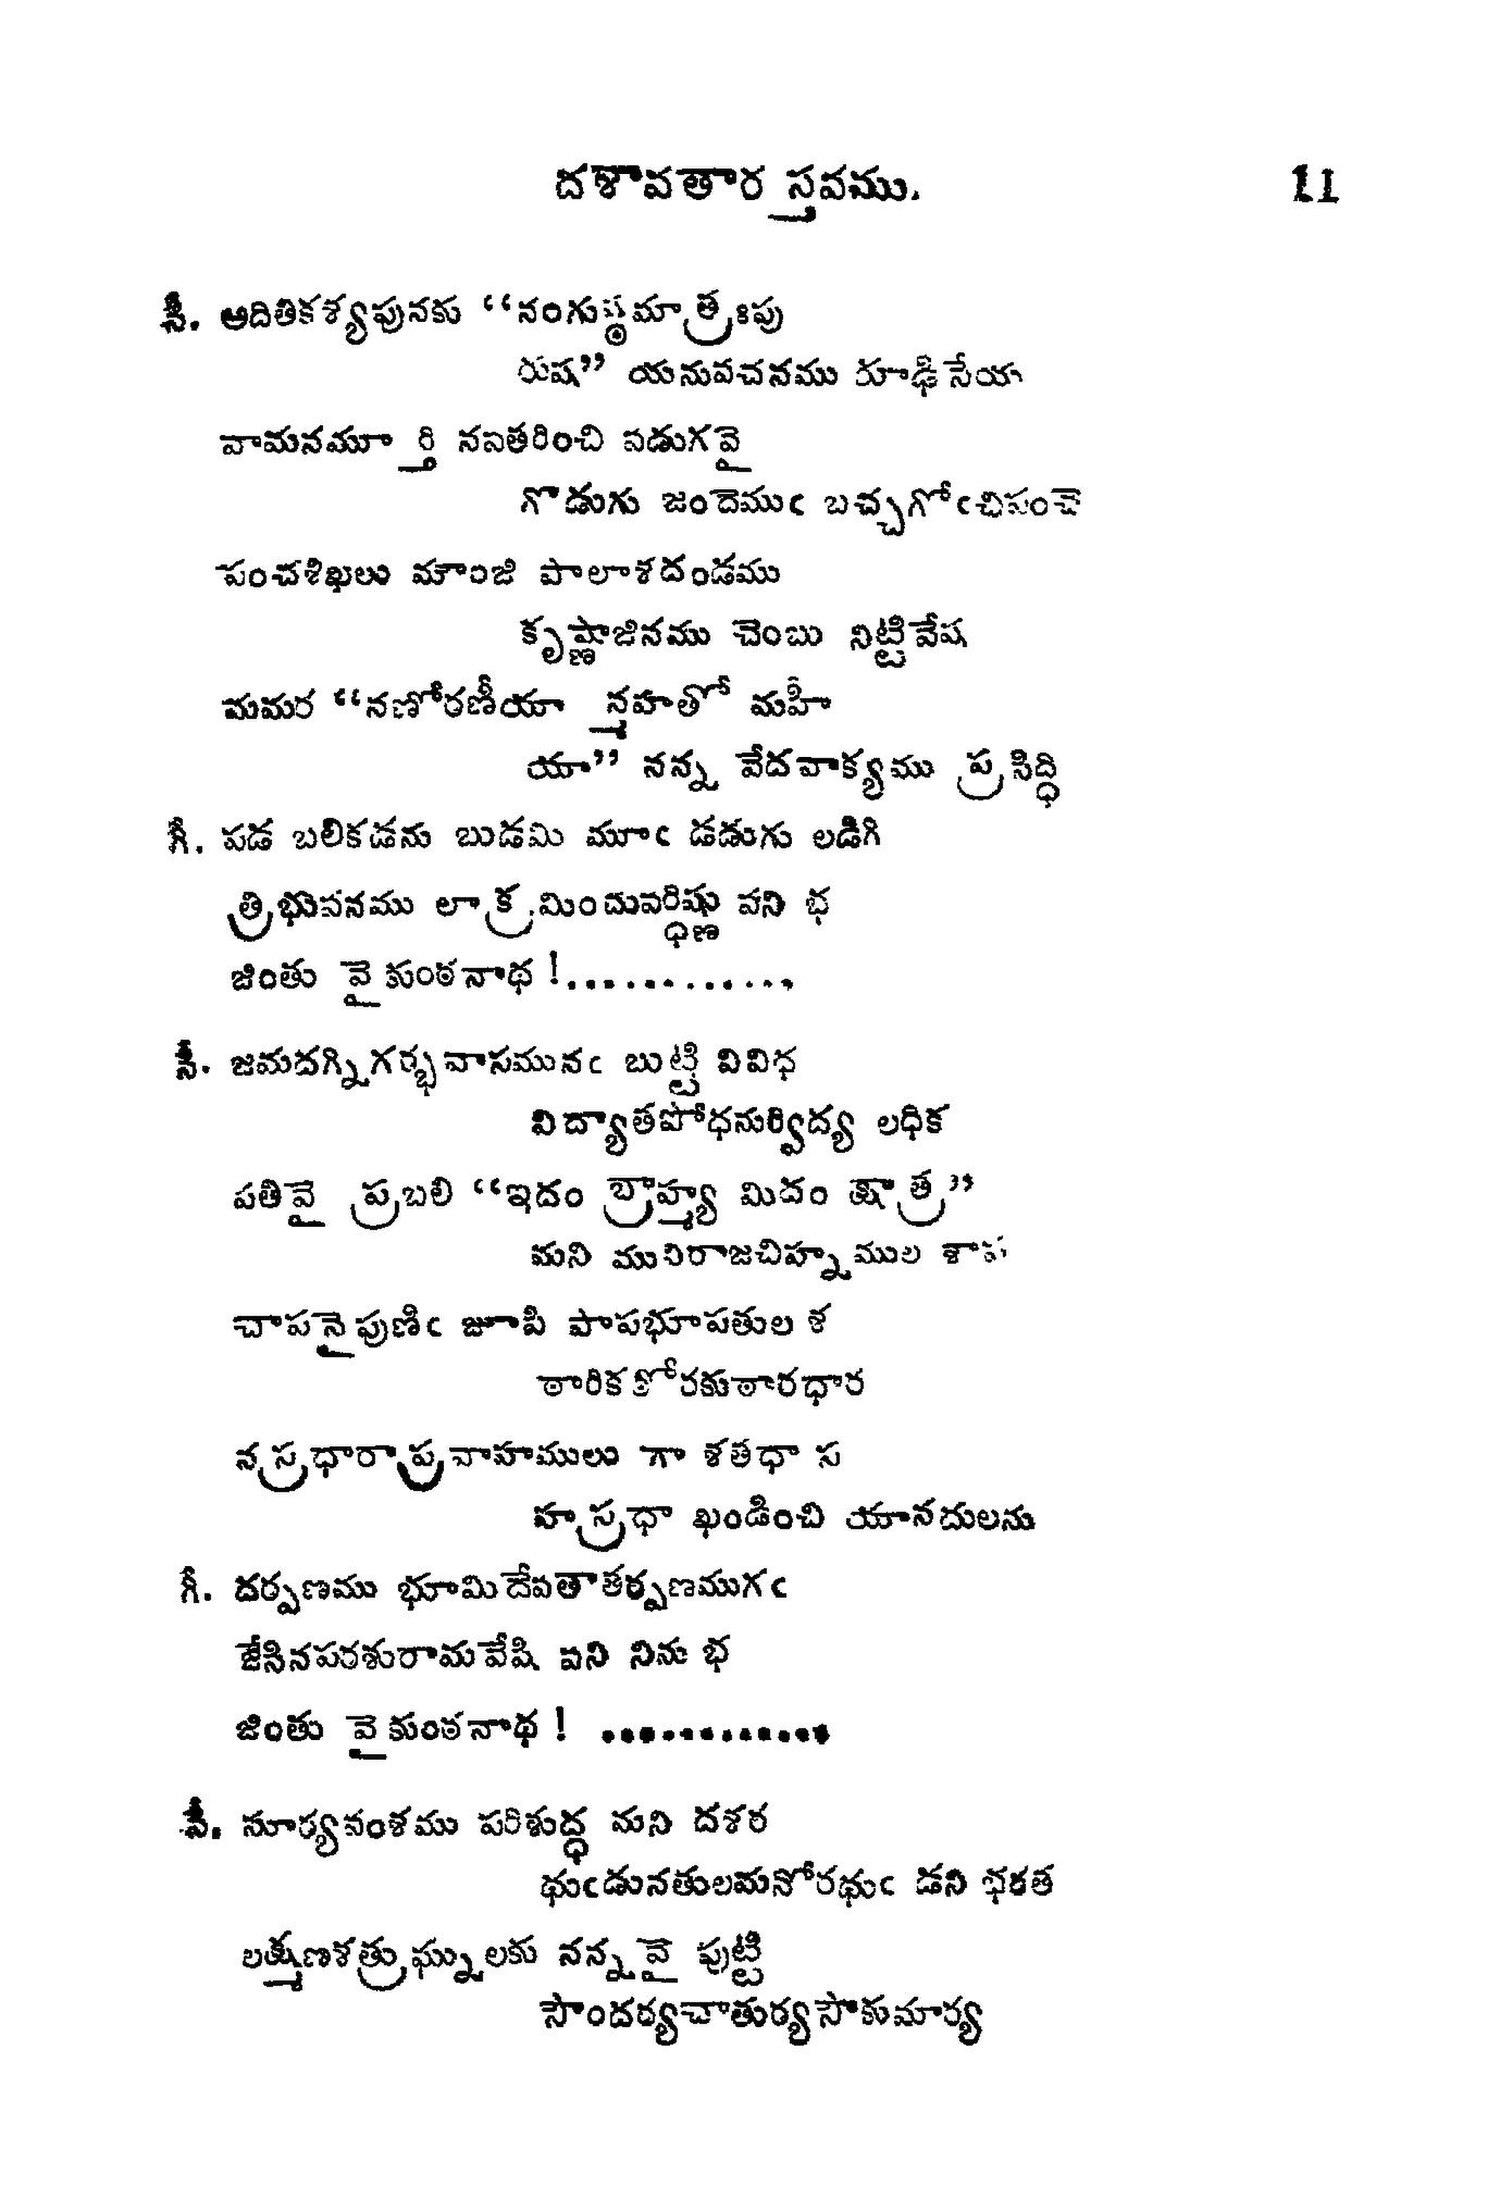సీ. అదితికశ్యపునకు “నంగుష్ఠమాత్రః పు
 రుష” యను వచనము రూఢి సేయ
 వామనమూర్తి నవతరించి వడుగవై
 గొడుగు జందెముఁ బచ్చగోఁచిపంచె
 పంచశిఖలు మౌంజి పాలాశదండము
 కృష్ణాజినము చెంబు నిట్టివేష
 మమర “సణోరణీయా న్మహతో మహీ
 యా” నన్న వేదవాక్యము ప్రసిద్ధి
గీ. వడ బలికడను బుడమి మూఁ డడుగు లడిగి
 త్రిభువనము లాక్రమించు వర్థిష్ణు వని భ
 జింతు వైకుంఠనాథ! లక్ష్మీసనాథ!
 రక్షణపరాయణుండ! నారాయణుండ!
సీ. జమదగ్ని గర్భవాసమునఁ బుట్టి వివిధ
 విద్యాతపోధనుర్విద్య లధిక
 పతివై ప్రబలి “ఇదం బ్రాహ్మ్య మిదం క్షాత్ర”
 మని మునిరాజచిహ్నముల శాప
 చాపనైపుణిఁ జూపి పాపభూపతుల శ
 ఠారికరోరకుఠారధార
 నస్రధారాప్రవాహములుగా శతధా స
 హస్రధా ఖండించి యానదులను
గీ. దర్పణము భూమిదేవతార్పణముగఁ
 జేసిన పరశురామవేషి వని నిను భ
 జింతు వైకుంఠనాథ! లక్ష్మీసనాథ!
 రక్షణపరాయణుండ! నారాయణుండ!
సీ. సూర్యవంశము పరిశుద్ధ మని దశర
 థుఁడు నతులమనోరథుఁ డని భరత
 లక్ష్మణశత్రుఘ్నులకు నన్నవై పుట్టి
 సౌందర్యచాతుర్యసౌకుమార్య